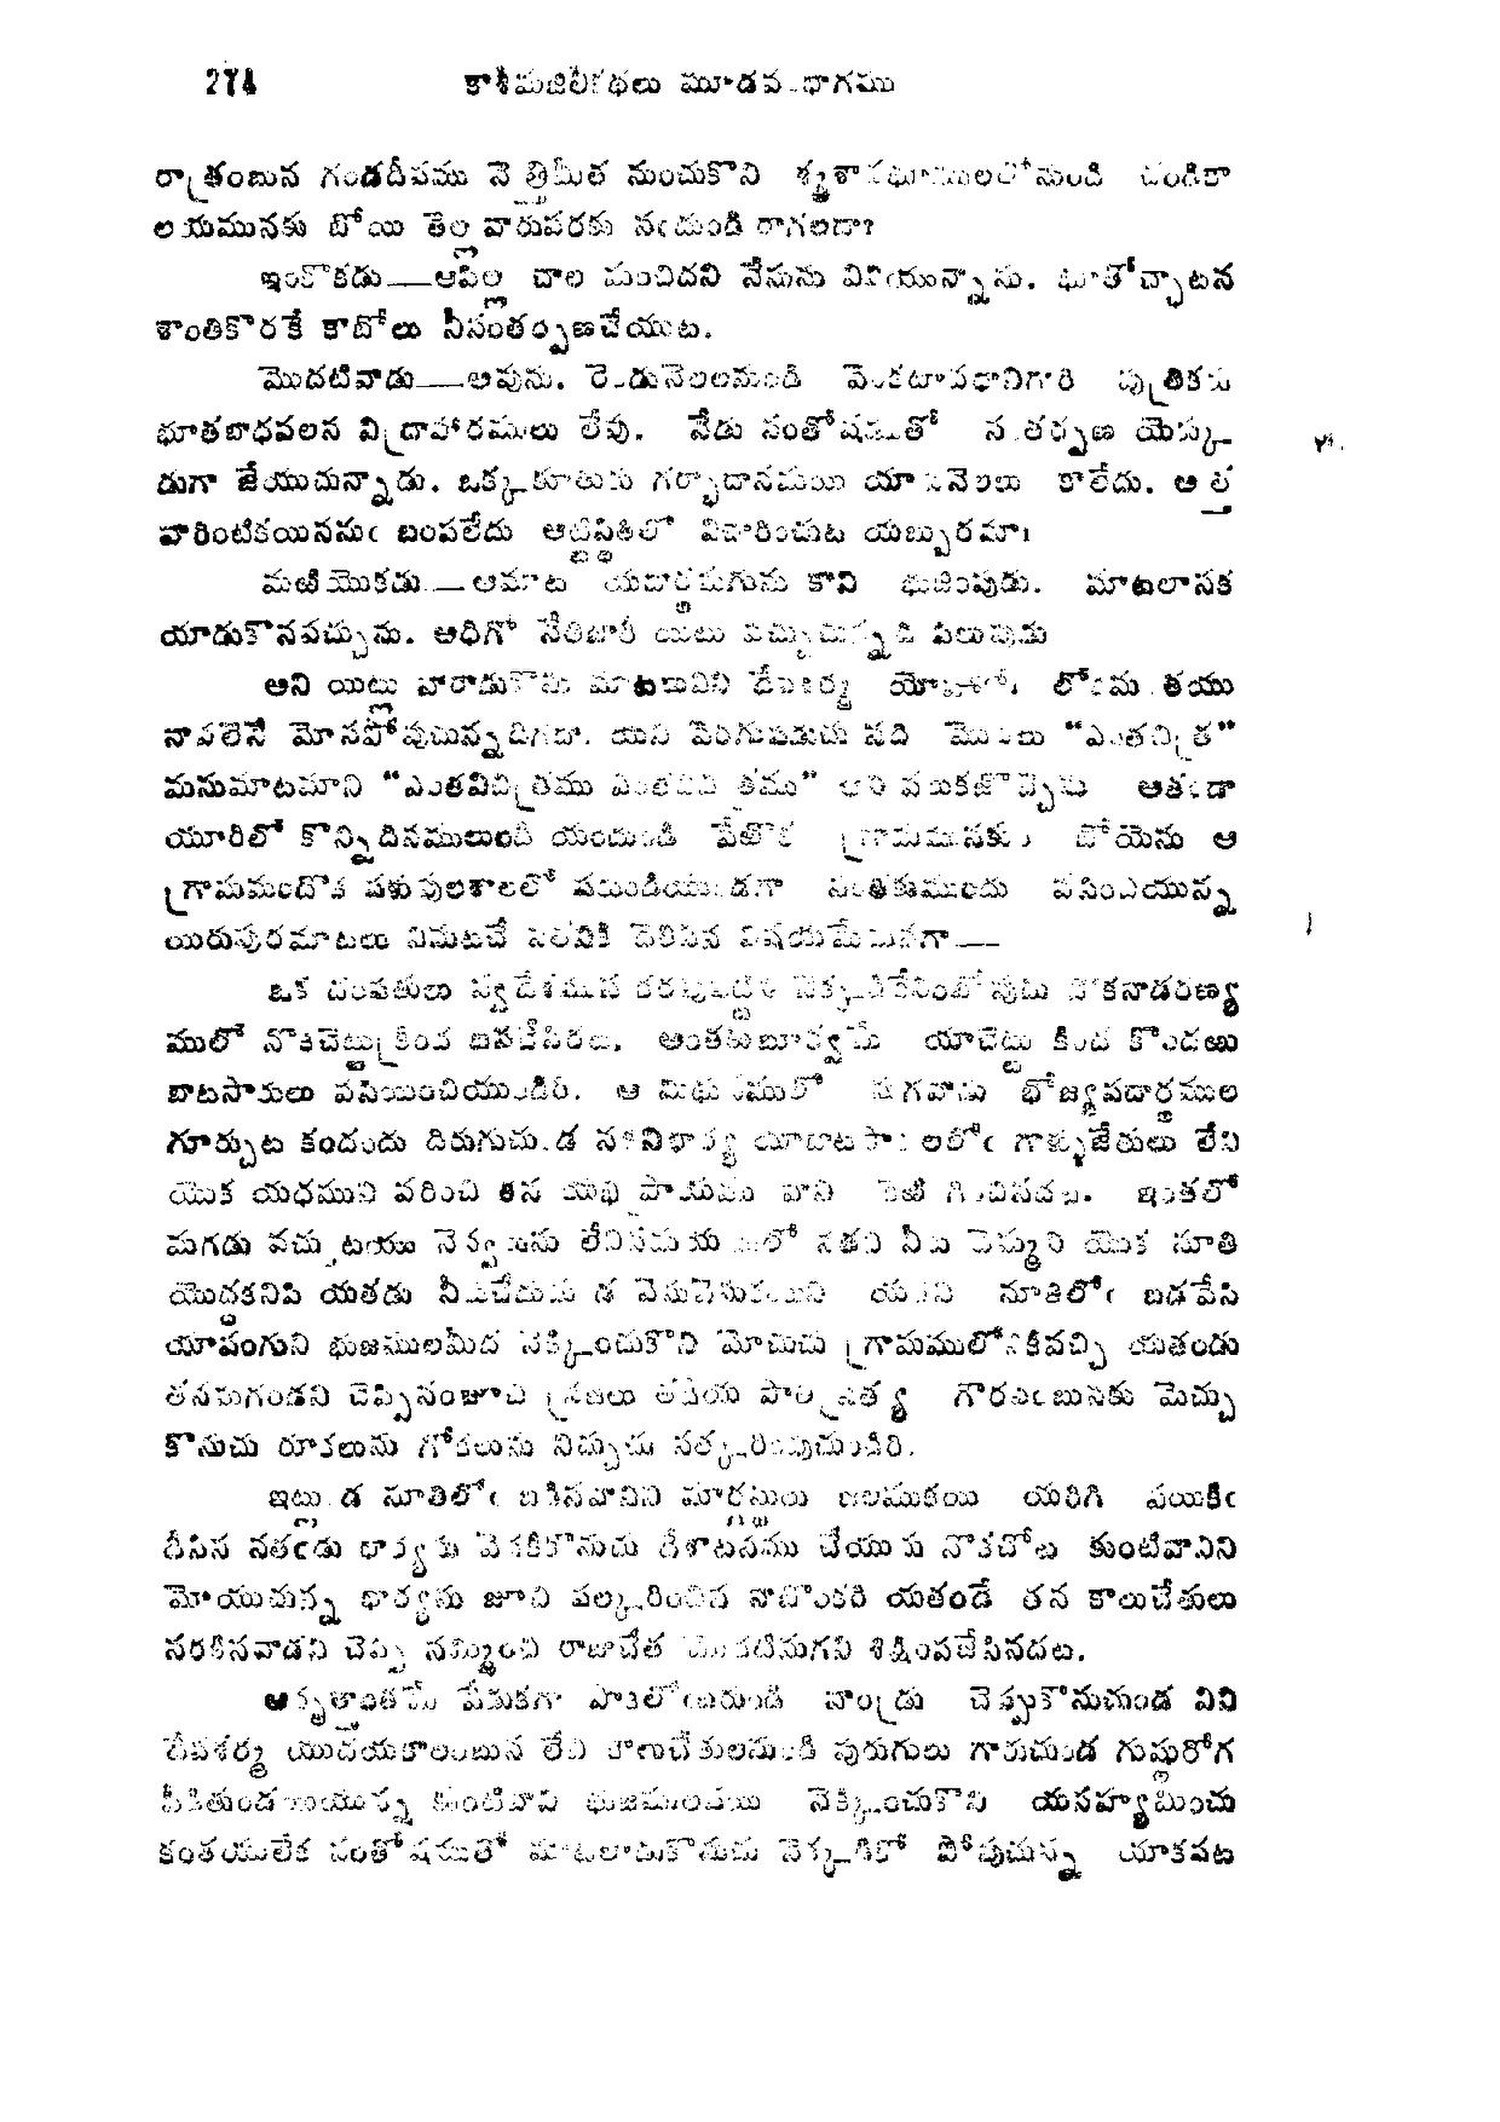రాత్రంబున గండదీపము నెత్తిమీద నుంచుకొని శ్మశానభూములలోనుండి చండికాలయమునకు బోయి తెల్లవారువరకు నందుండి రాగలదా?

ఇంకొకడు - ఆపిల్ల చాల మంచిదని నేనును వినియున్నాను. భూతోచ్ఛాటన శాంతికొరకే కాబోలు నీసంతర్పణచేయుట.

మొదటివాడు - అవును. రెండునెలలనుండి వెంకటావధానిగారి పుత్రికకు భూతబాధవలన నిద్రాహారములు లేవు. నేడు సంతోషముతో సంతర్పణ యెక్కుడుగా జేయుచున్నాడు . ఒక్క కూతురు గర్భాదానమయి యారునెలలు కాలేదు. అత్తవారింటికయిననుఁ బంపలేదు అట్టిస్థితిలో విచారించుట యబ్బురమా?

మఱియొకడు — ఆమాట యథార్థమగును కాని భుజింపుడు. మాటలానక యాడుకొనవచ్చును. అధిగో నేతిజారీ యిటు వచ్చుచున్నది పిలువుడు.

అని యిట్లు వారాడుకొను మాటలువిని దేవశర్మ యోహో! లోకమంతయు నావలెనే మోసపోవుచున్నదిగదా. యని వెరగుపడుచు నది మొదలు "ఎంతచిత్ర " మనుమాటమాని “ఎంతవిచిత్రము ఎంతవిచిత్రము" అని పలుకజొచ్చెను అతండా యూరిలో కొన్ని దినములుండి యందుండి వేఱొక గ్రామమునకుఁ బోయెను ఆ గ్రామమందొక పశువులశాలలో పరుండియుండగా
నంతకుముందు వసించియున్న యిరువురమాటలు వినుటచే నతనికి దెలిసిన విషయమేమనగా -

ఒక దంపతులు స్వదేశమున కరవు పుట్టిన నెక్కడికేనింబోవుచు నొకనాడరణ్యములో నొకచెట్టుక్రింద బసచేసిరట. అంతకుబూర్వమే యాచెట్టు క్రింద కొందఱు బాటసారులు వసియించియుండిరి. ఆ మిథునములో మగవాడు భోజ్యపదార్థముల గూర్చుట కందందు దిరుగుచుండ నతనిభార్య యాబాటసారులలోఁ గాళ్ళుజేతులు లేని యొక యధముని వరించి తన యభిప్రాయము వాని కెఱింగించినదట. ఇంతలో మగడు వచ్చుటయు నెవ్వరును లేనిసమయములో నతని నీరు దెమ్మని యొక నూతి యొద్దకనిపి యతడు నీరుచేదుచుండ వెనువెనుకంజని యతని నూతిలోఁ బడవేసి
యావంగుని భుజములమీద నెక్కించుకొని మోచుచు గ్రామములోనికివచ్చి యతండు తనమగండని చెప్పినంజూచి ప్రజలు తదీయ పాతివ్రత్య గౌరవంబునకు మెచ్చుకొనుచు రూకలును గోకలును నిచ్చుచు సత్కరింపుచుండిరి.

ఇట్లుండ నూతిలోఁ బడినవానిని మార్గస్థులు జలముకయి యరిగి పయికిఁ దీసిన నతఁడు భార్యను వెదకికొనుచు దేశాటనము చేయుచు నొకచోట కుంటివానిని మోయుచున్న భార్యను జూచి పల్కరించిన నాబొంకరి యతండే తన కాలుచేతులు నరకినవాడని చెప్పి నమ్మించి రాజుచేత మొదటిమగని శిక్షింపజేసినదట.

ఆవృత్తాంతమే వేడుకగా పాకలోఁబరుండి వాండ్రు చెప్పుకొనుచుండ విని దేవశర్మ యుదయకాలంబున లేచి కాలుచేతులనుండి పురుగులు గారుచుండ గుష్ఠురోగపీడితుండయియున్న కుంటివాని
భుజములపయి నెక్కించుకొని యసహ్యమించు కంతయులేక సంతోషముతో మాటలాడుకొనుచు నెక్కడికో పోవుచున్న యాకపట